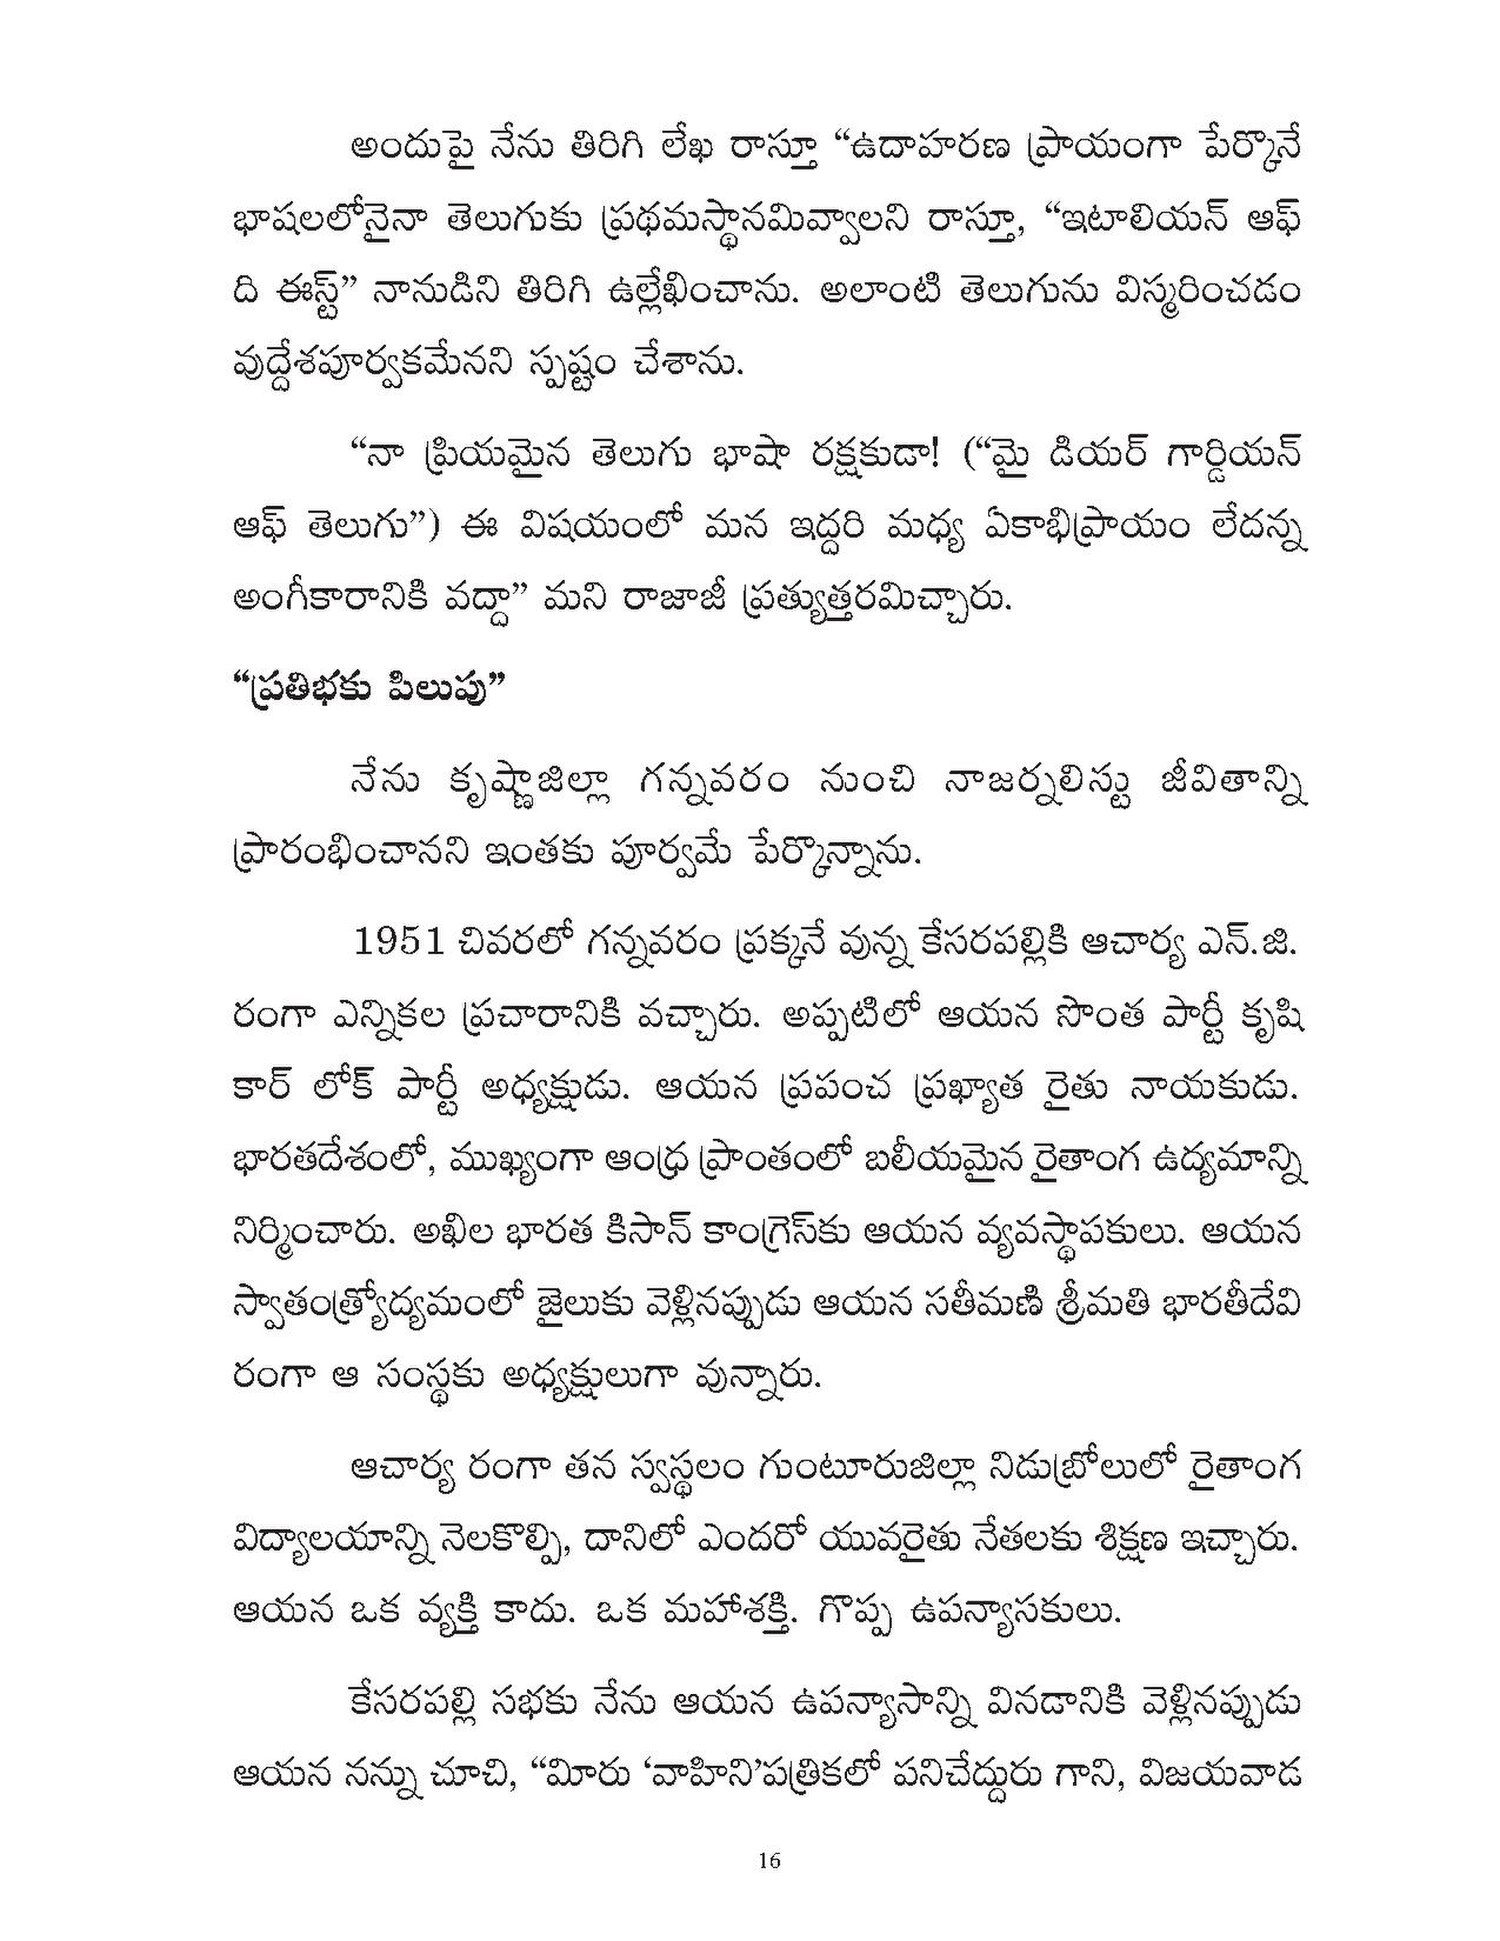అందుపై నేను తిరిగి లేఖ రాస్తూ "ఉదాహరణ ప్రాయంగా పేర్కొనే
భాషలలోనైనా తెలుగుకు ప్రథమస్థానమివ్వాలని రాస్తూ, "ఇటాలియన్‌ ఆఫ్‌
ది ఈస్ట్‌" నానుడిని తిరిగి ఉల్లేఖించాను. అలాంటి తెలుగును విస్మరించం
వుద్దేశపూర్వకమేనని స్పష్టం చేశాను.

"నా ప్రియమైన తెలుగు భాషా రక్షకుడా! ("మై డియర్‌ గార్డియన్‌
ఆఫ్‌ తెలుగు") ఈ విషయంలో మన ఇద్దరి మధ్య ఏకాభిప్రాయం లేదన్న
అంగీకారానికి వద్దా" మని రాజాజీ ప్రత్యుత్తరమిచ్చారు.
"ప్రతిభకు పిలుపు"
నేను కృష్ణాజిల్లా గన్నవరం నుంచి నాజర్నలిస్టు జీవితాన్ని
ప్రారంభించానని ఇంతకు పూర్వమే పేర్కొన్నాను.

1951 చివరలో గన్నవరం ప్రక్కనే వున్న కేసరపల్లికి ఆచార్య ఎన్‌.జి.
రంగా ఎన్నికల ప్రచారానికి వచ్చారు. అప్పటిలో ఆయన సొంత పార్టీ కృషి
కార్‌ లోక్‌ పార్టీ అధ్యక్షుడు. ఆయన ప్రపంచ ప్రఖ్యాత రైతు నాయకుడు.
భారతదేశంలో, ముఖ్యంగా ఆంధ్ర ప్రాంతంలో బలీయమైన రైతాంగ ఉద్యమాన్ని
నిర్మించారు. అఖిల భారత కిసాన్‌ కాంగ్రెస్‌కు ఆయన వ్యవస్థాపకులు. ఆయన
స్వాతంత్య్రోద్యమంలో జైలుకు వెళ్లినప్పుడు ఆయన సతీమణి శ్రీమతి భారతీదేవి
రంగా ఆ సంస్థకు అధ్యక్షులుగా వున్నారు.

ఆచార్య రంగా తన స్వస్థలం గుంటూరుజిల్లా నిడుబ్రోలులో రైతాంగ
విద్యాలయాన్ని నెలకొల్పి, దానిలో ఎందరో యువరైతు నేతలకు శిక్షణ ఇచ్చారు.
ఆయన ఒక వ్యక్తి కాదు. ఒక మహాశక్తి. గొప్ప ఉపన్యాసకులు.

కేసరపల్లి సభకు నేను ఆయన ఉపన్యాసాన్ని వినడానికి వెళ్లినప్పుడు
ఆయన నన్ను చూచి, "మీరు 'వాహిని'పత్రికలో పనిచేద్దురు గాని, విజయవాడ